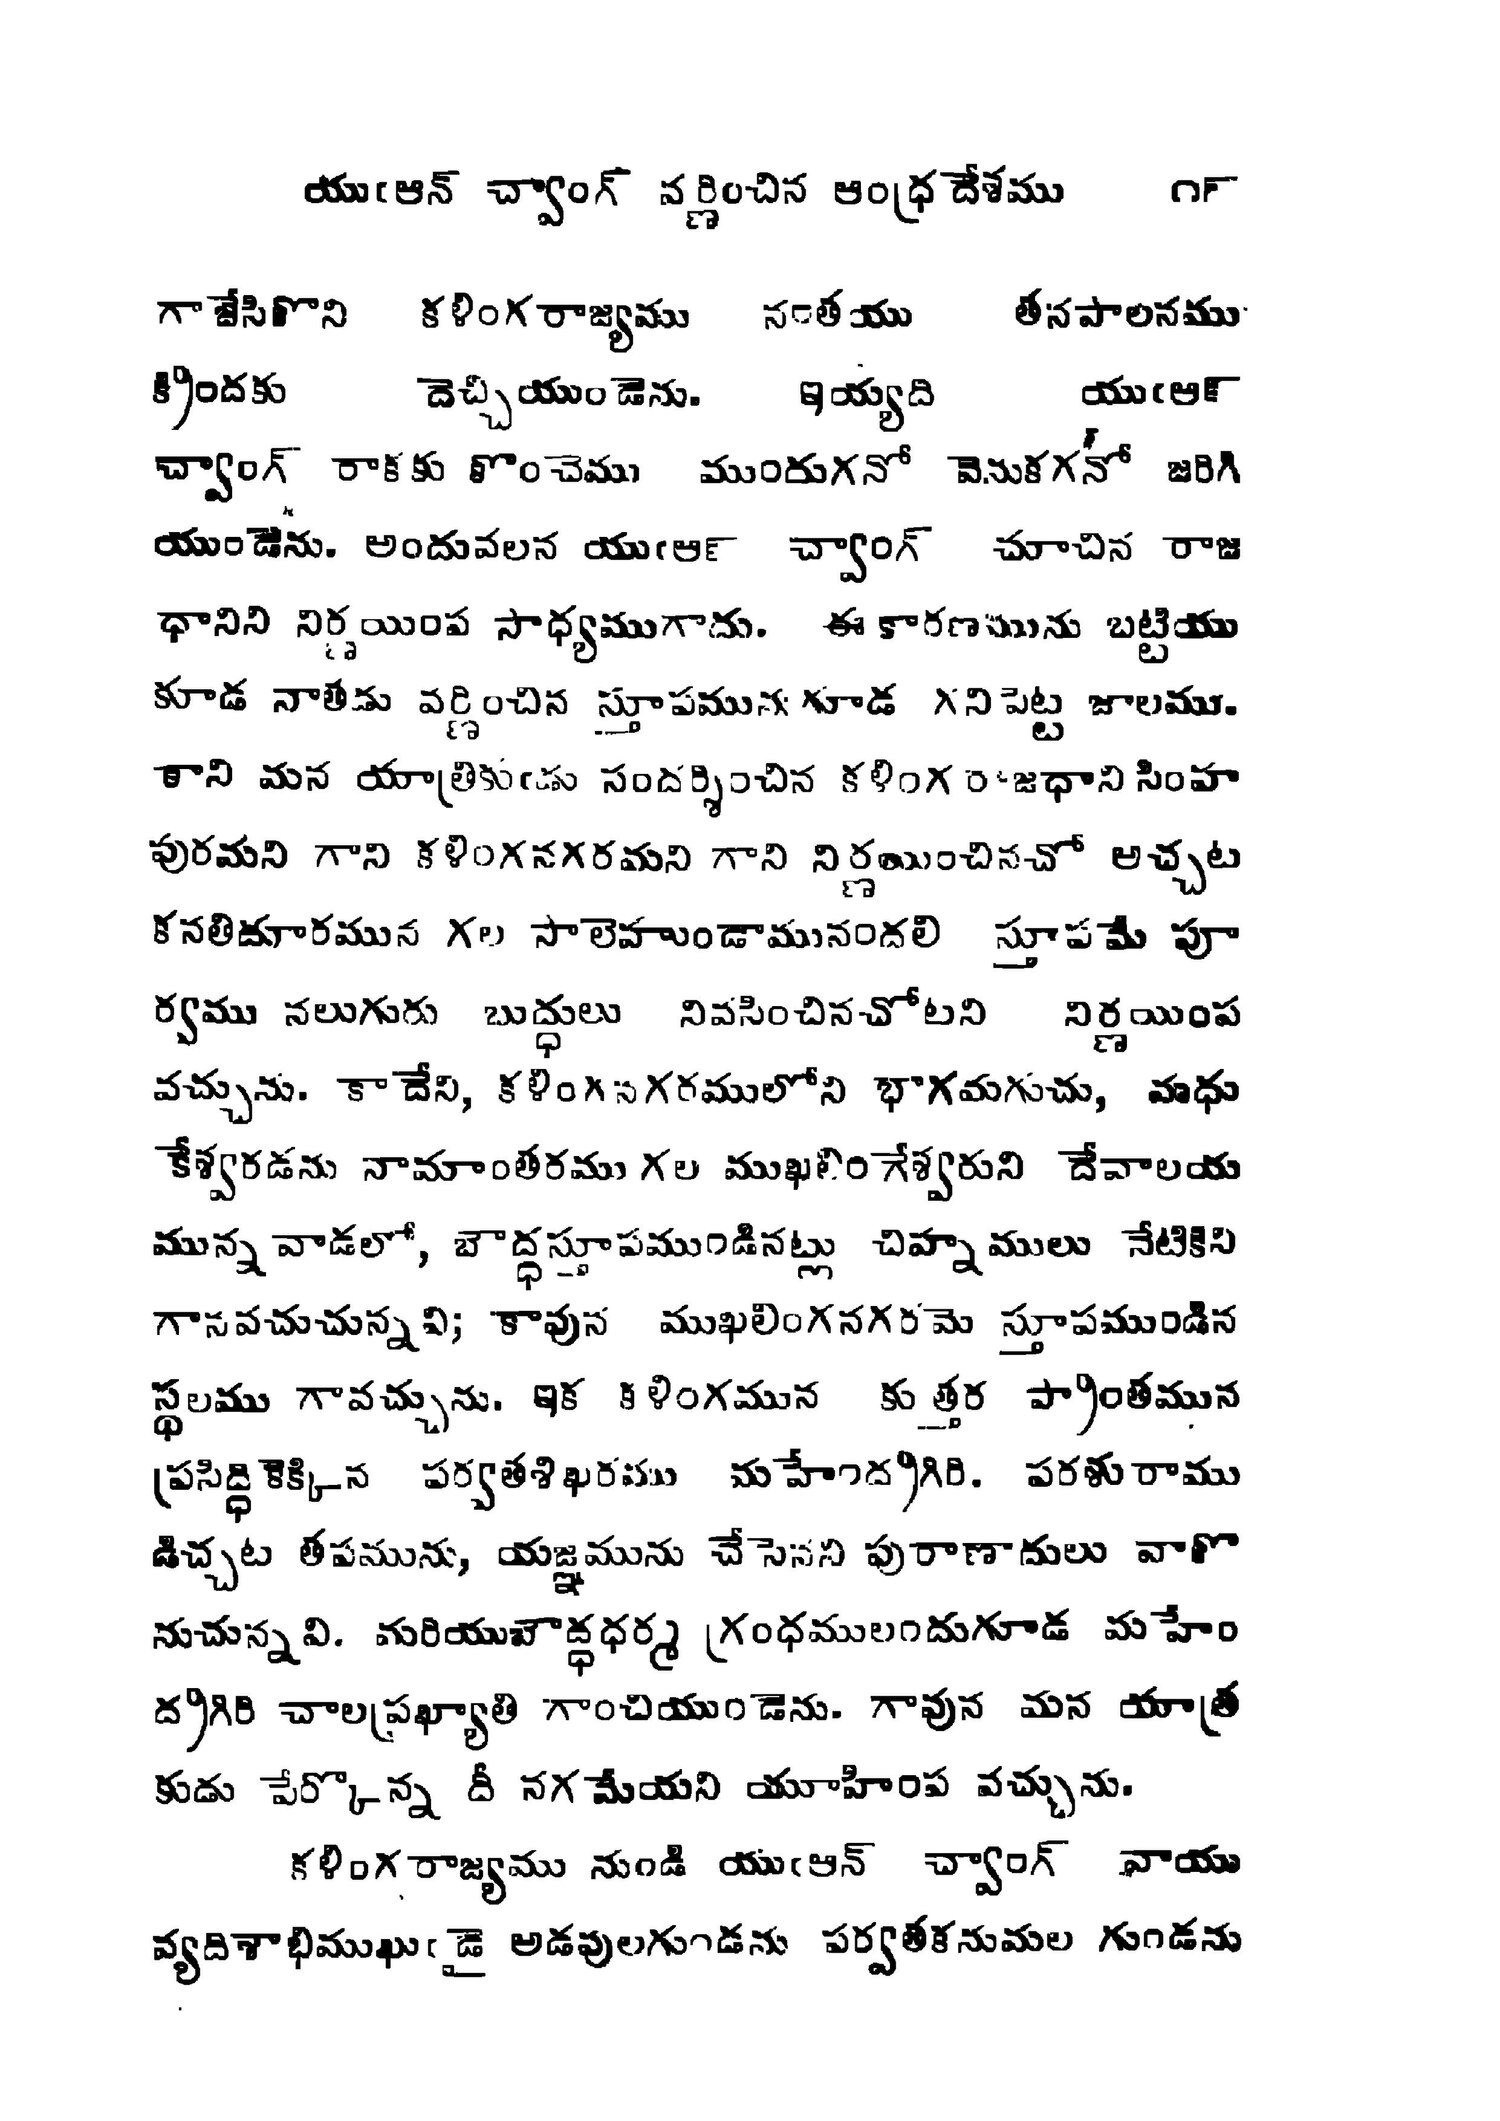గాజేసికొని కళింగరాజ్యము నంతయు తనపాలనము క్రిందకు దెచ్చియుండెను. ఇయ్యది యుఁఆన్‌ చ్వాంగ్ రాకకు కొంచెము ముందుగనో వెనుకగనో జరిగి యుండెను. అందువలన యుఁఆన్‌ చ్వాంగ్‌ చూచిన రాజధానిని నిర్ణయింప సాధ్యముగాదు. ఈ కారణమును బట్టియు కూడ నాతడు వర్ణించిన స్తూపమునుగూడ గనిపెట్ట జాలము. కాని మన యాత్రికుడు సందర్శించిన కళింగ రాజధాని సింహపురమని గాని కళింగనగరమని గాని నిర్ణయించినచో అచ్చట కనతిదూరమున గల సాలెహుండామునందలి స్తూపమే పూర్వము నలుగురు బుద్ధులు నివసించినచోటని నిర్ణయింపవచ్చును. కాదేని, కళింగనగరములోని భాగమగుచు, మధుకేశ్వరుడను నామాంతరము గల ముఖలింగేశ్వరుని దేవాలయమున్న వాడలో, బౌద్ధస్తూపముండినట్లు చిహ్నములు నేటికిని గానవచ్చుచున్నవి; కావున ముఖలింగనగరమె స్తూపముండిన స్థలము గావచ్చును. ఇక కళింగమున కుత్తర ప్రాంతమున ప్రసిద్ధికెక్కిన పర్వత శిఖరము మహేంధ్రగిరి. పరశురాముడిచ్చట తపమును, యజ్ఞమును చేసెనని పురాణాదులు వాకొనుచున్నవి. మరియు బౌద్ధధర్మ గ్రంథములందుగూడ మహేంద్రగిరి చాల ప్రఖ్యాతి గాంచియుండెను. గావున మన యాత్రికుడు పేర్కొన్నదీ నగరమేయని యుహింప వచ్చును.

కళింగరాజ్యము నుండి యుఁఆన్‌ చ్వాంగ్‌ వాయువ్యదిశాభిముఖుడై అడవులగుండను పర్వతకనుమల గుండను